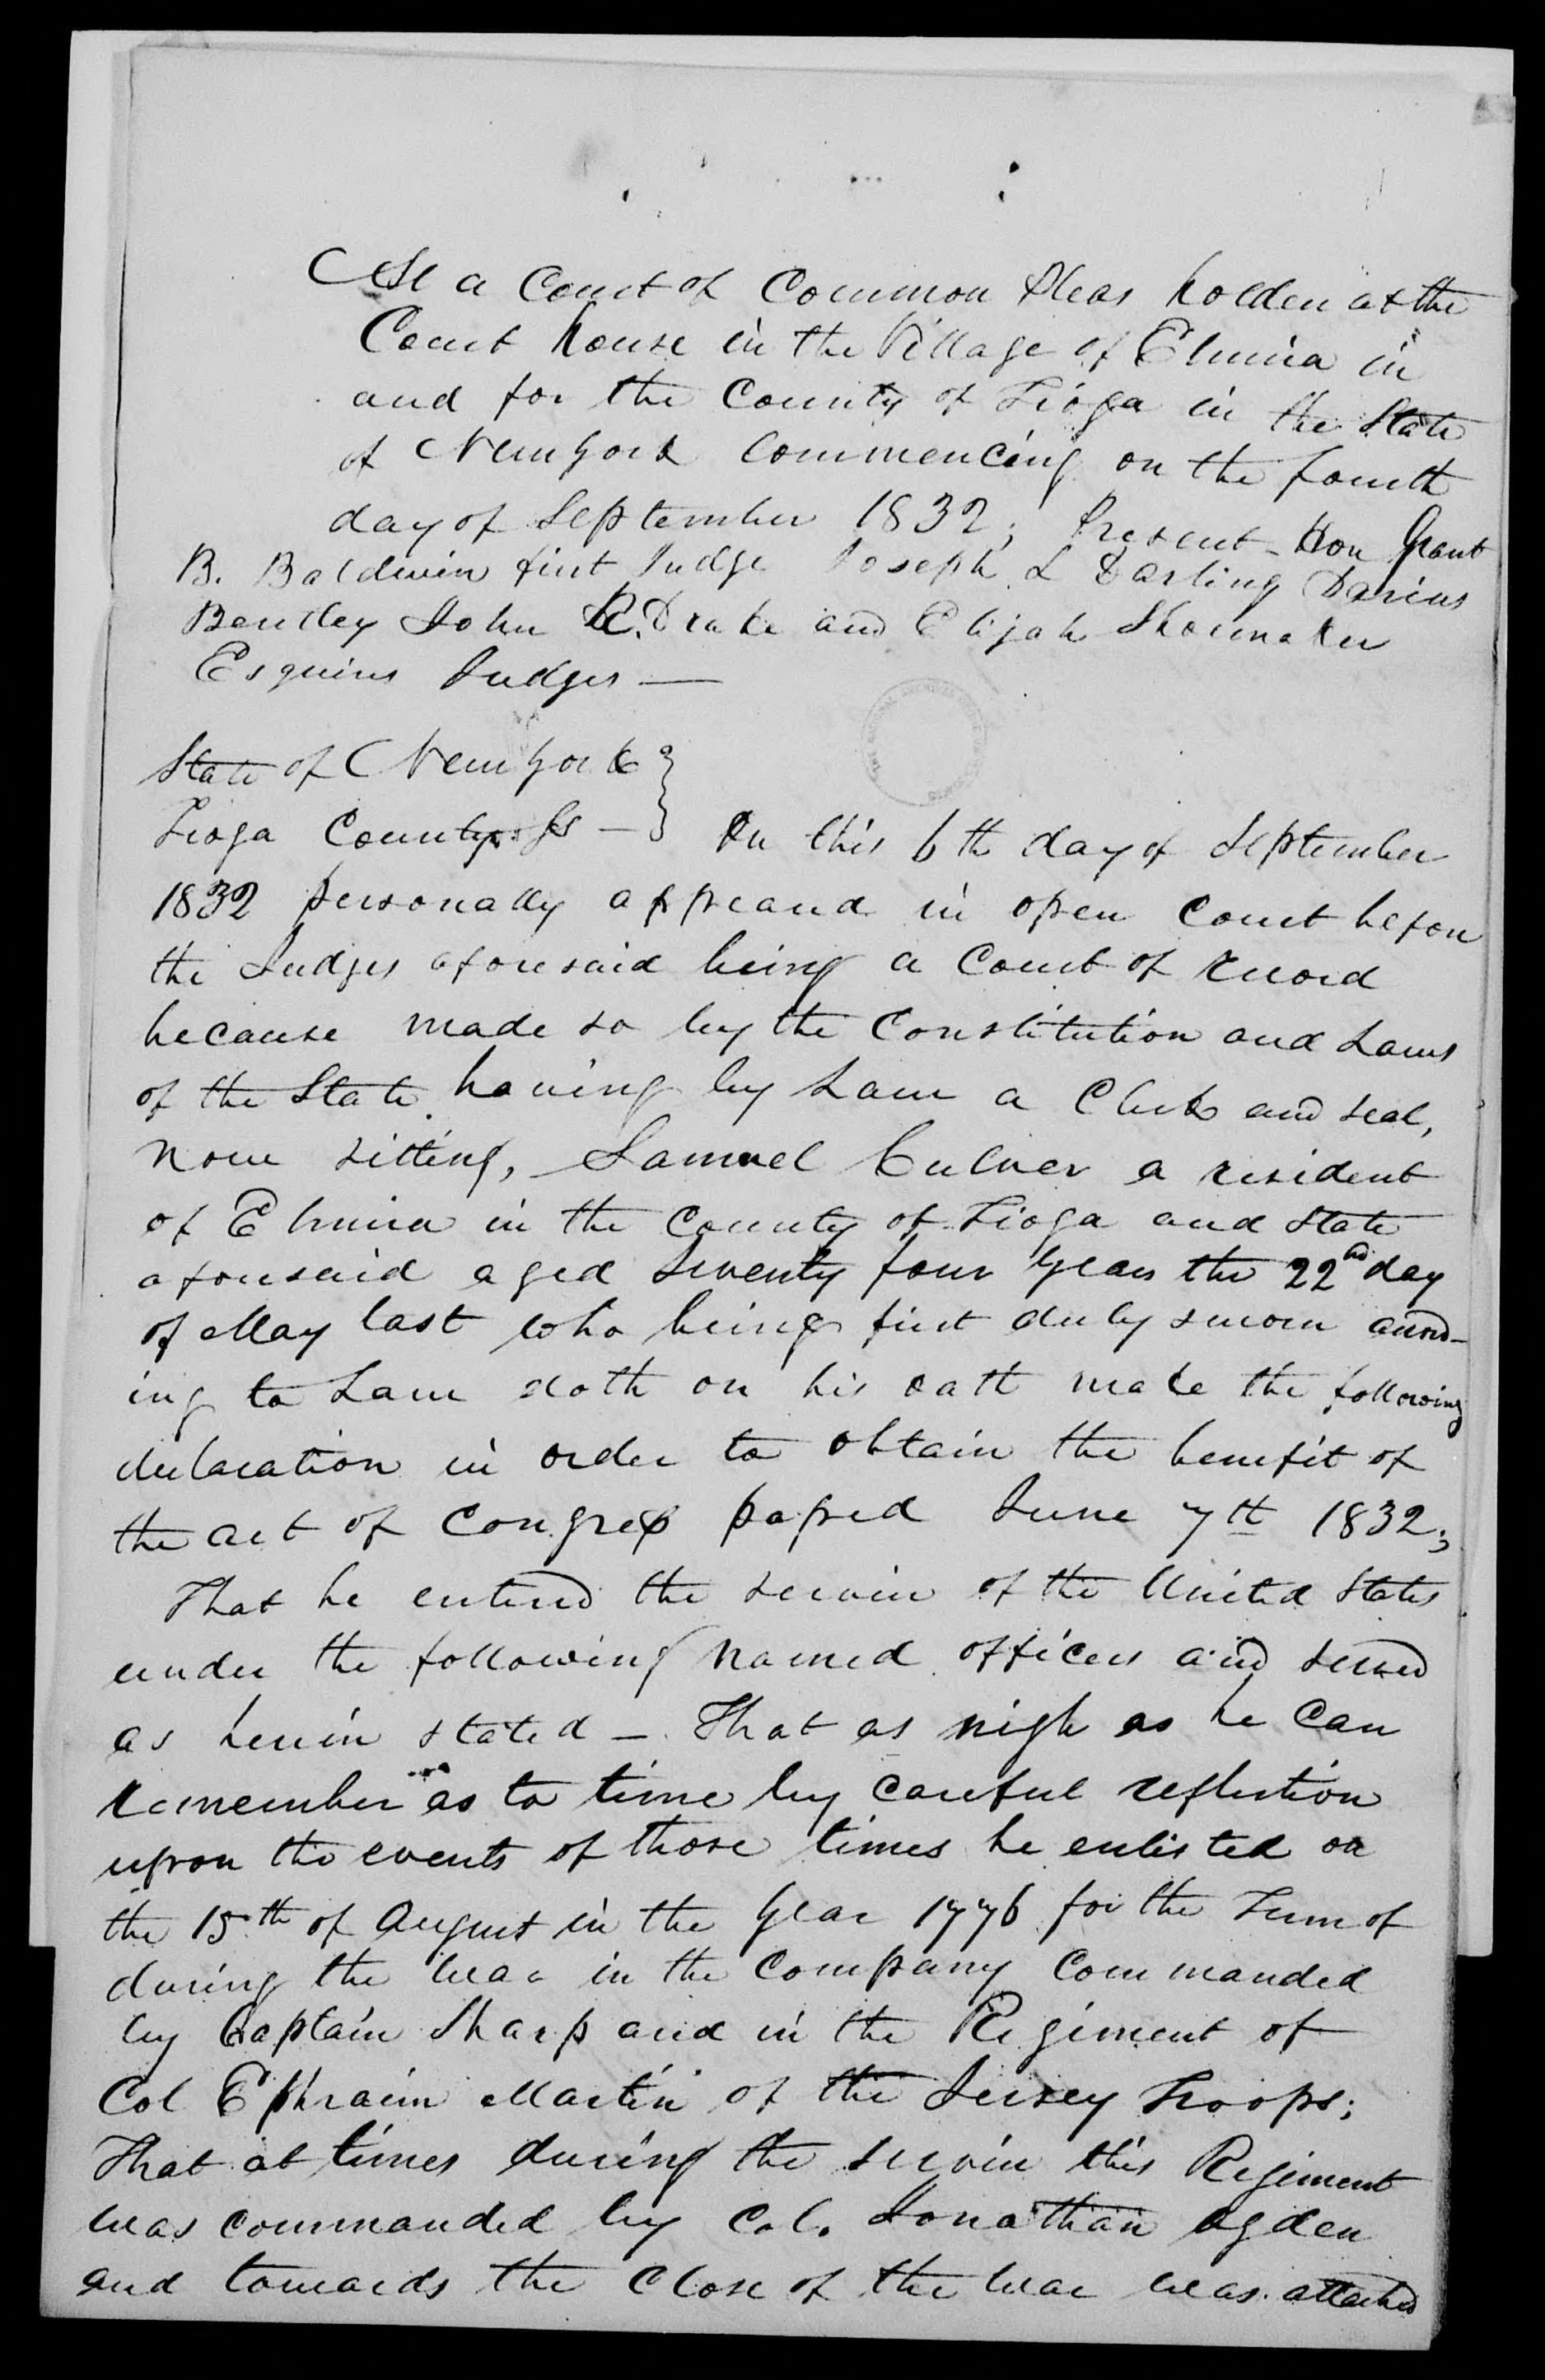At a Court of Common Please holder at the
Court house in the Village of Elvira in
and for the County of Tiaoga in the State of 
New York commencing on the fourth
day of September 1832; Present Hon Grant 
Baldwin first Judge Joseph L Darling Darius 
Bentley John A. Drake and Elijah Shoemaker
Esquires Judges – 

National Archives of the United States [seal]

State of New York
Tioga County         ss

In this 6th day of September 
1832 personally appeared in open Court before
the Judges aforesaid being a Court of Record
because made so by the Constitution and Laws
of the State having by Law a Clerk and seal, 
now sitting, Samuel Culver a resident 
of Elmira in the county of Tioga and State 
aforesaid aged seventy four years the 22nd day
of May last who being first duly sworn accord-
ing to Law  [illegible] on his oath made the following
declaration in order to obtain the benefit of 
the act of Congress passed June 7th 1832;
    That he entered the service of the United States
under the following named officers and served
as herein stated – that as nigh as he can
remember as to time by careful reflection
upon the events of those times he enlisted on 
the 15th of August in the year 1776 for the term of 
during the [illegible] in the company commanded
by Captain Sharp and in the regiment of 
Col Ephraim Martin of the Jersey Troops; 
That at times during the service this Regiment
was commanded by Col. Jonathan Ogden 
and towards the close of the war was attached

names: John A Drake, Grant B Baldwin, Darius Bentley, Jonathan Ogden, Sharp, Joseph L Darling, Elijah Shoemaker, Samuel Culver, Ephraim Martin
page: 6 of 40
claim: rejected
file: R. 1,570, Samuel Culver, New Jersey